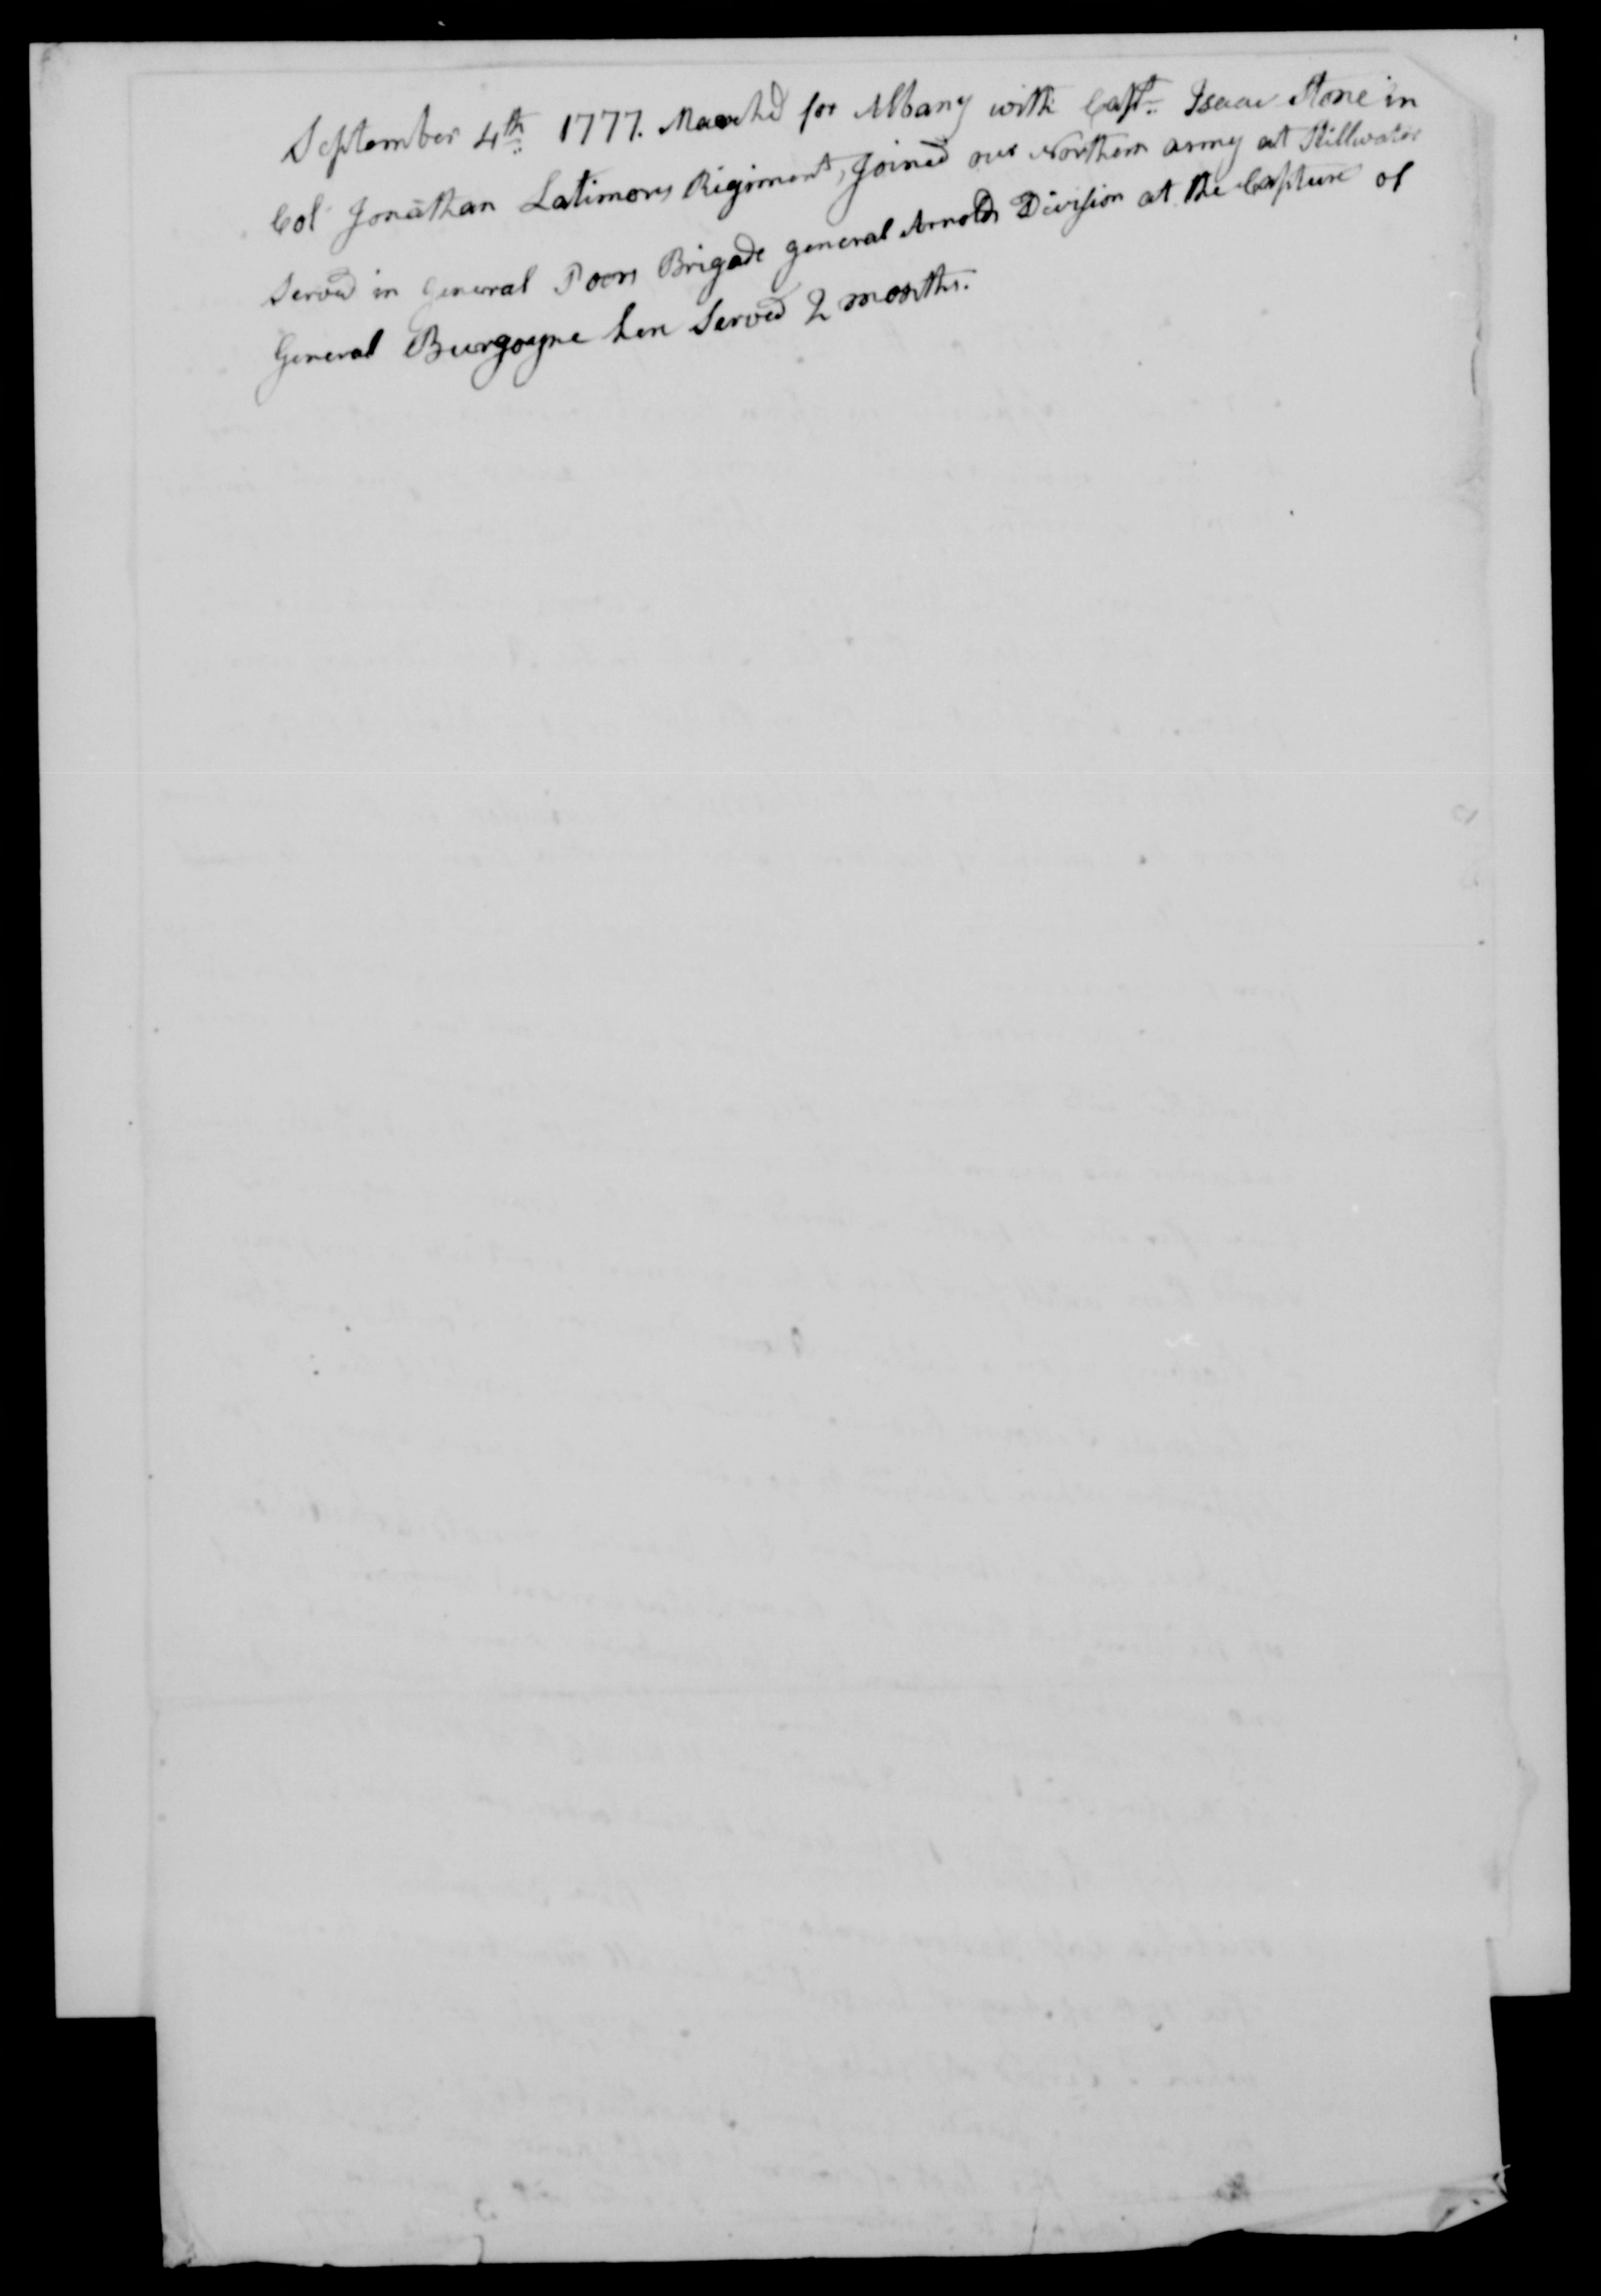September 4, 1777. Marched for Albany with Capt. Isaac Stone in Col. Jonathan Latimore Regiment, joined our Northern army at Stillwater served in General Poor Brigate General Arnold Division at the Capture of General Burgoyne then served 2 months.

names: [BLANK] Burgoyne; Isaac Stone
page: 56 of 70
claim: rejected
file: R. 10,026, for Ephraim Squier, Connecticut